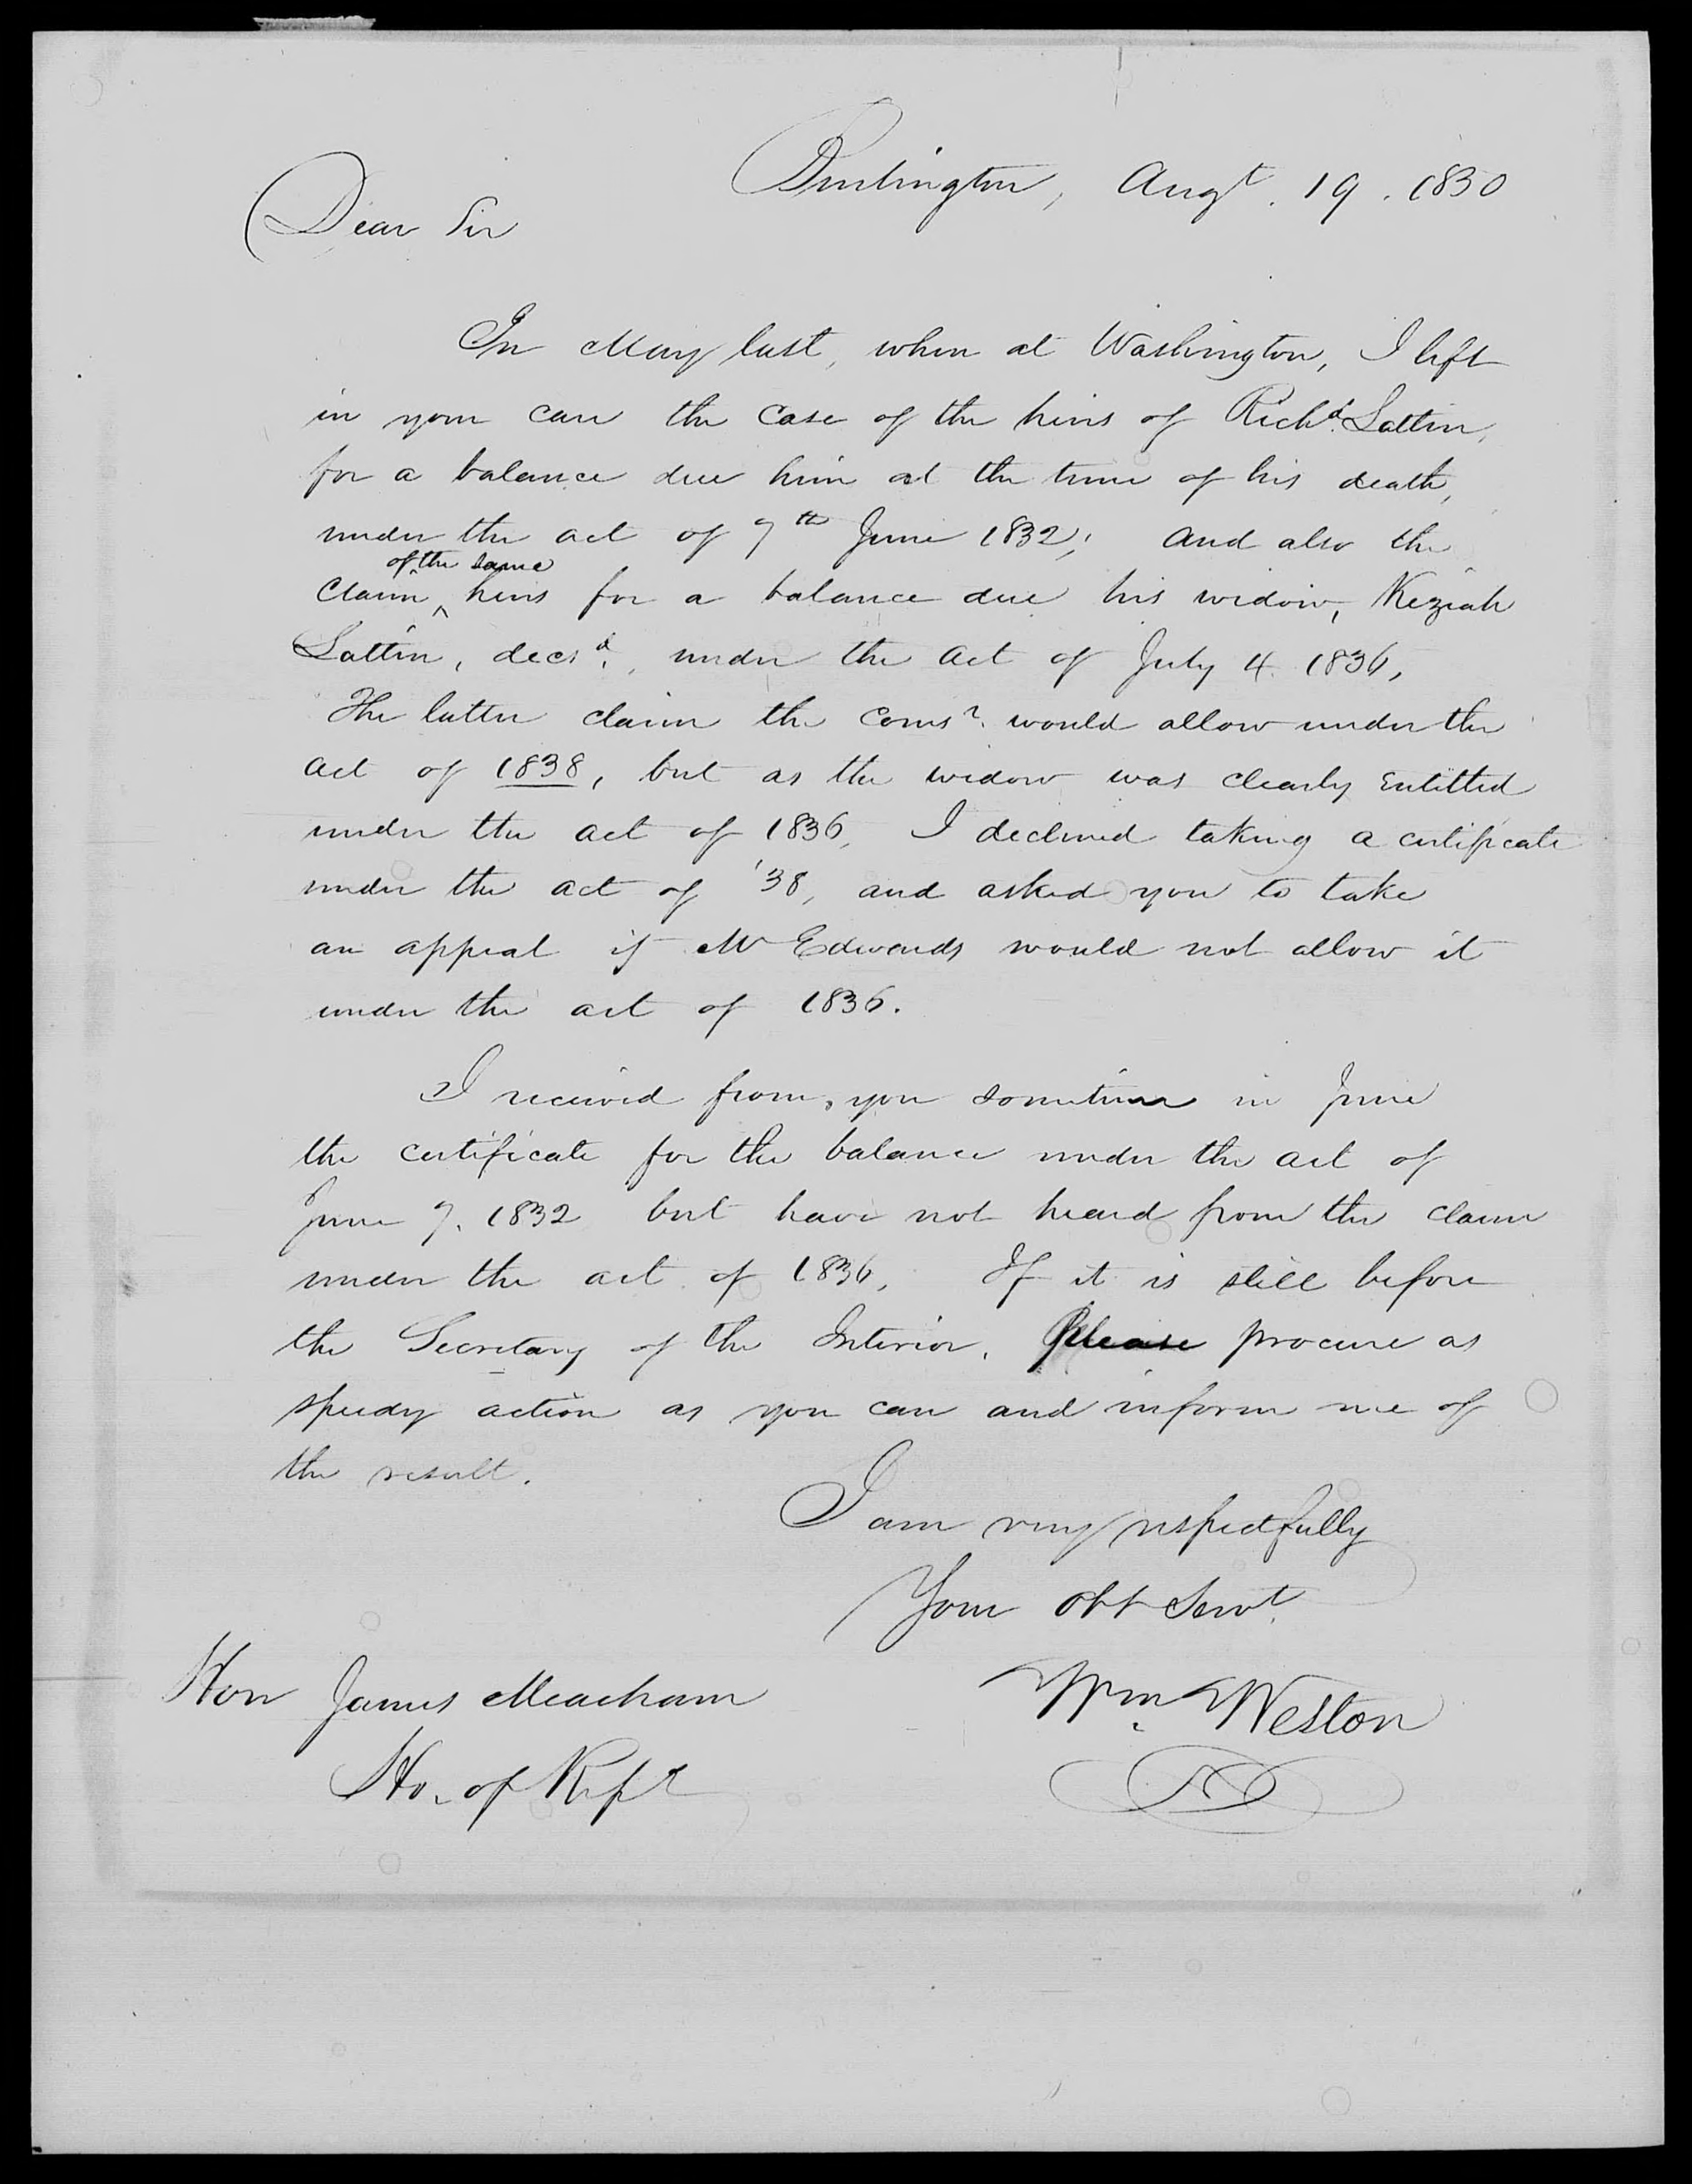Burlington, Augt 19, 1830
Dear Sir
In May last, when at Washington, I left
in your care the case of the heirs of Rich Lattin,
for a balance due him at the time of his death,
under the act of 7th June 1832, and also the
claim, of the same heirs for a balance due his widow, Keziah
Lattin, decsd, under the act of July 4, 1836.
The latter claim the Com’r would allow under the
act of 1838, but as the widow was clearly entitled
under the act of 1836, I declined taking a certificate
under the act of '38, and asked you to take
an appeal if Mr Edwards would not allow it
under the act of 1836.
I received from you sometime in June
the certificate for the balance under the act of
June 7, 1832 but have not heard from the claim
under the act of 1836. If it is still before
the Secretary of the Interior, please procure as
speedy action as you can and inform me of
the result.
I am very respectfully, Sir
Your Obt Servt
Wm Weston

James Meacham
Ho of Rep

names: [BLANK] Edwards; Wm Weston; Keziah Lattin; Richd Lattin; James Meacham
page: 67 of 99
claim: widow's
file: W. 24,482, for Richard Lattin, Vermont